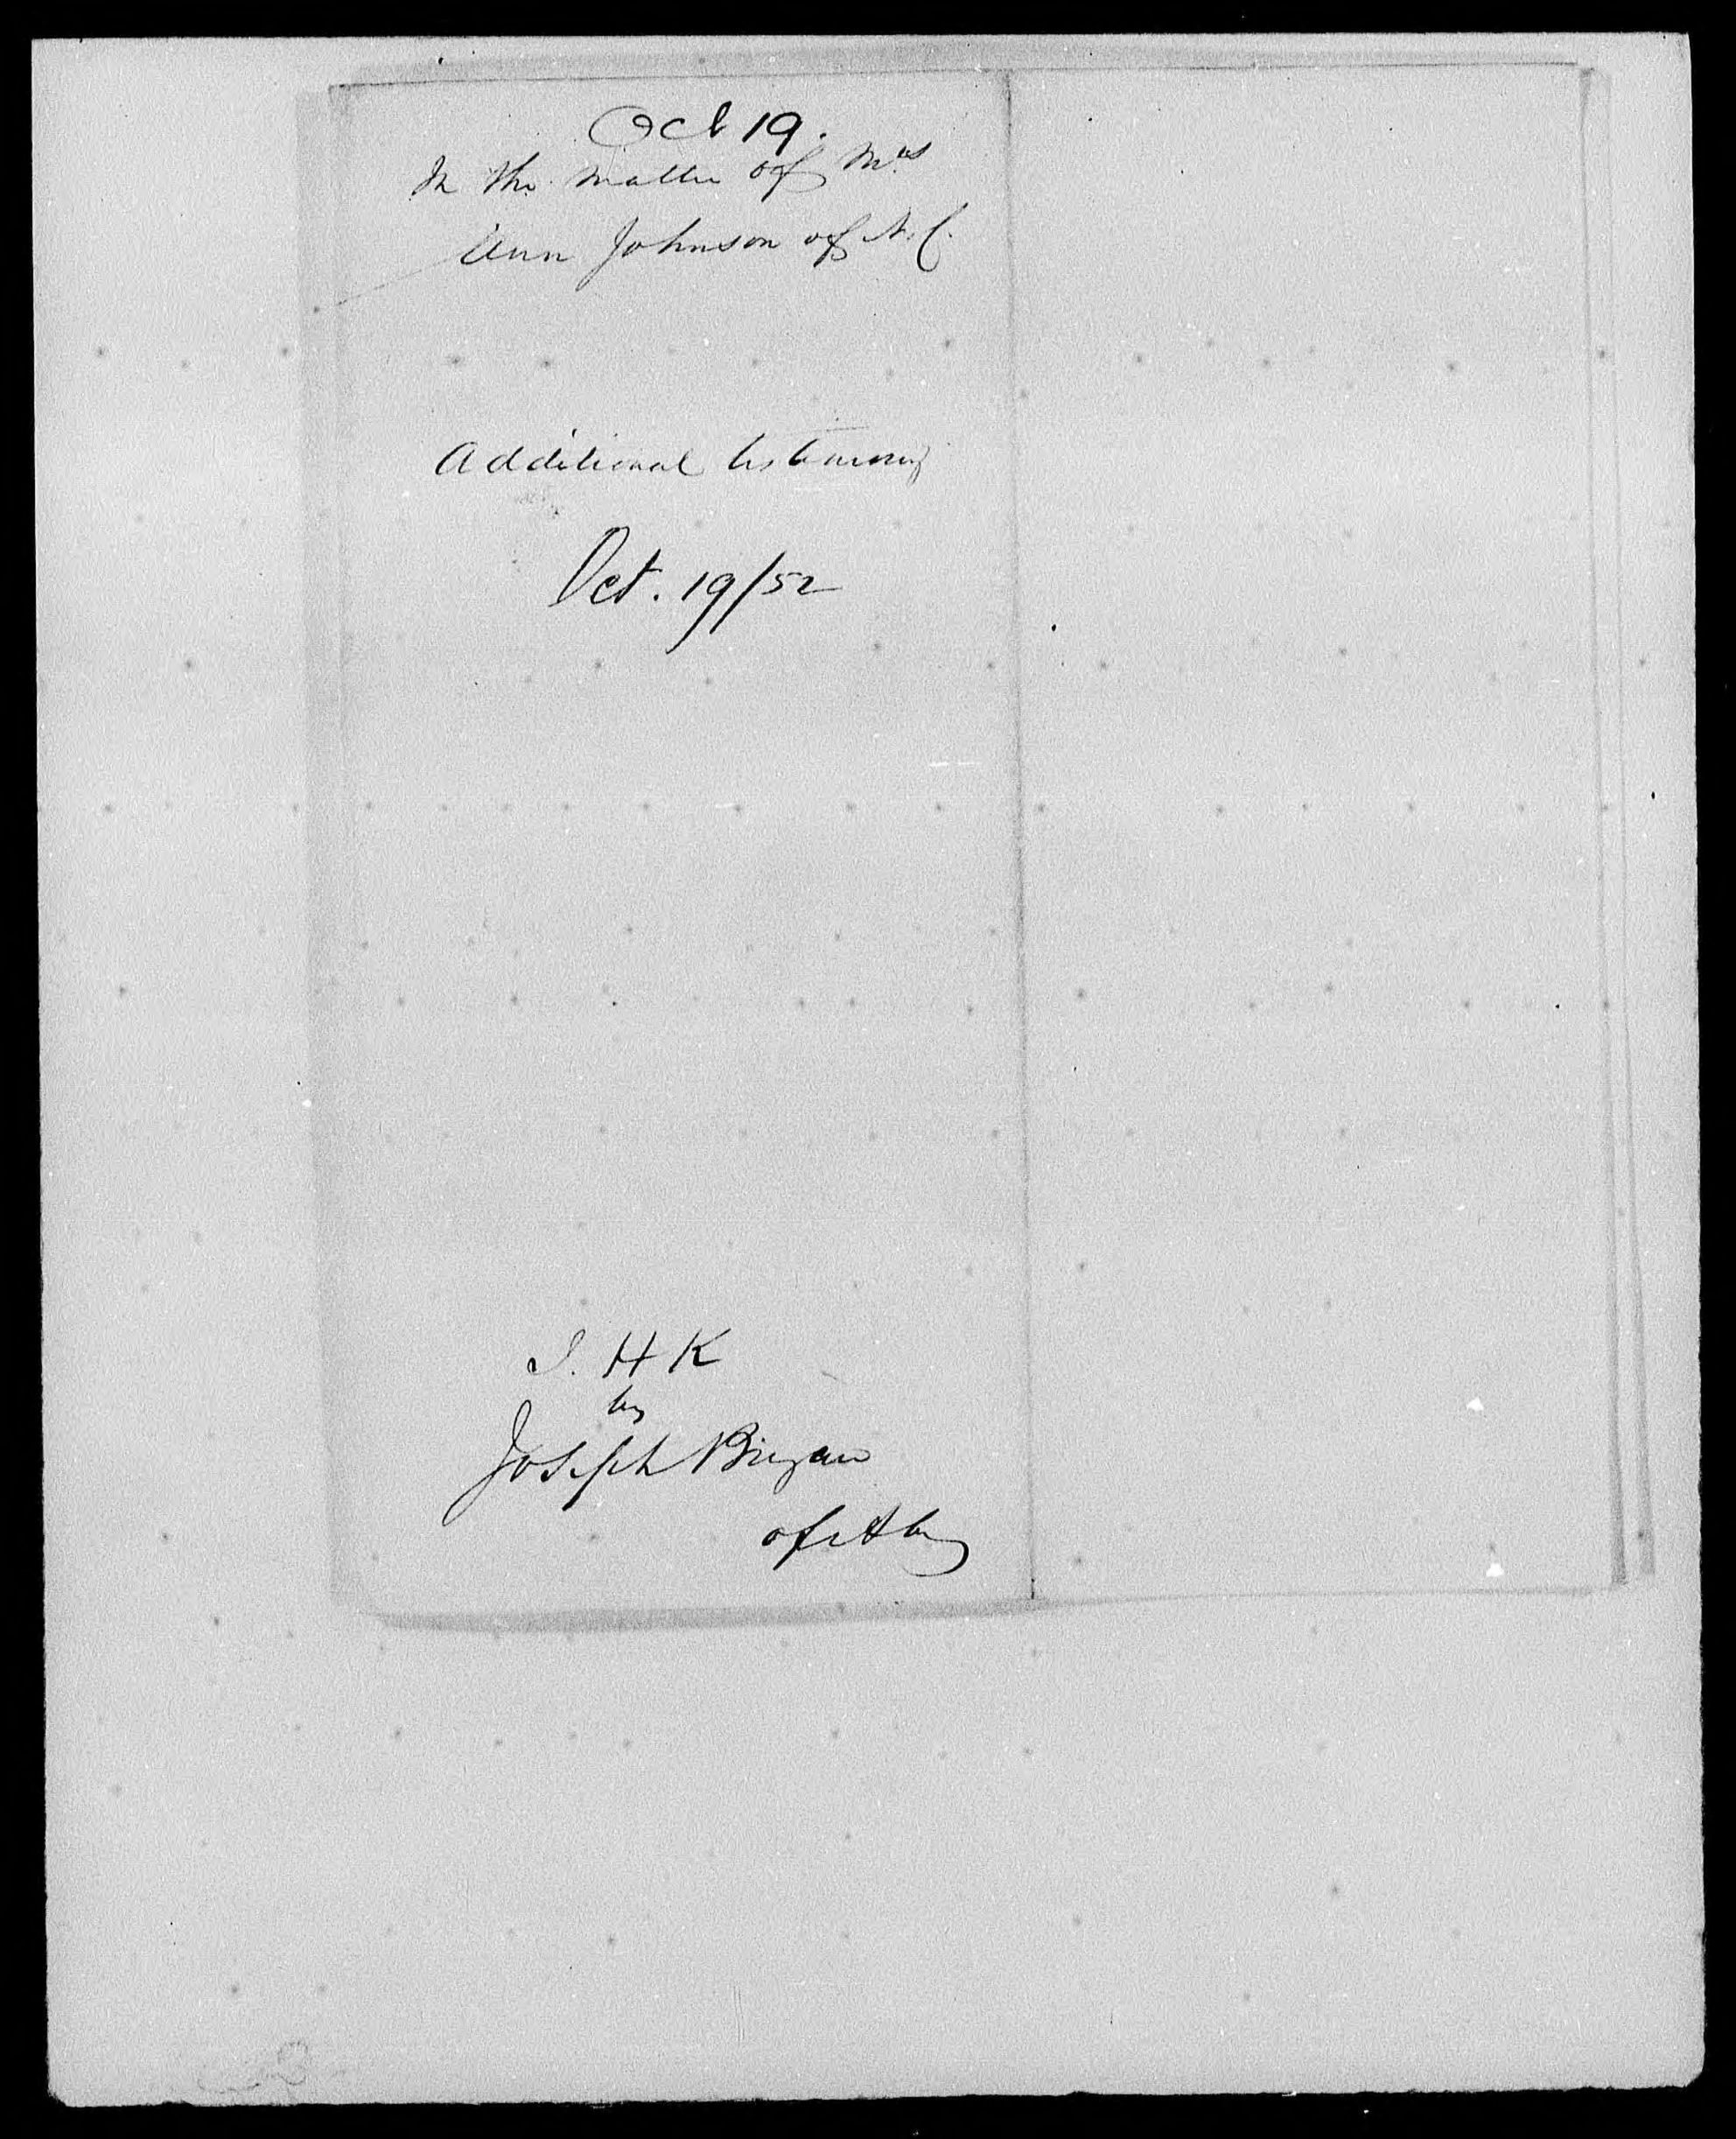Oct 19
In the matter of Mrs. Ann Johnson of N.C.
Additional testimony 
Oct. 19/52
I.HK
Joseph Brigan
[illegible]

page: 2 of 74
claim: rejected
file: R. 5600, for Abel Johnson, North Carolina